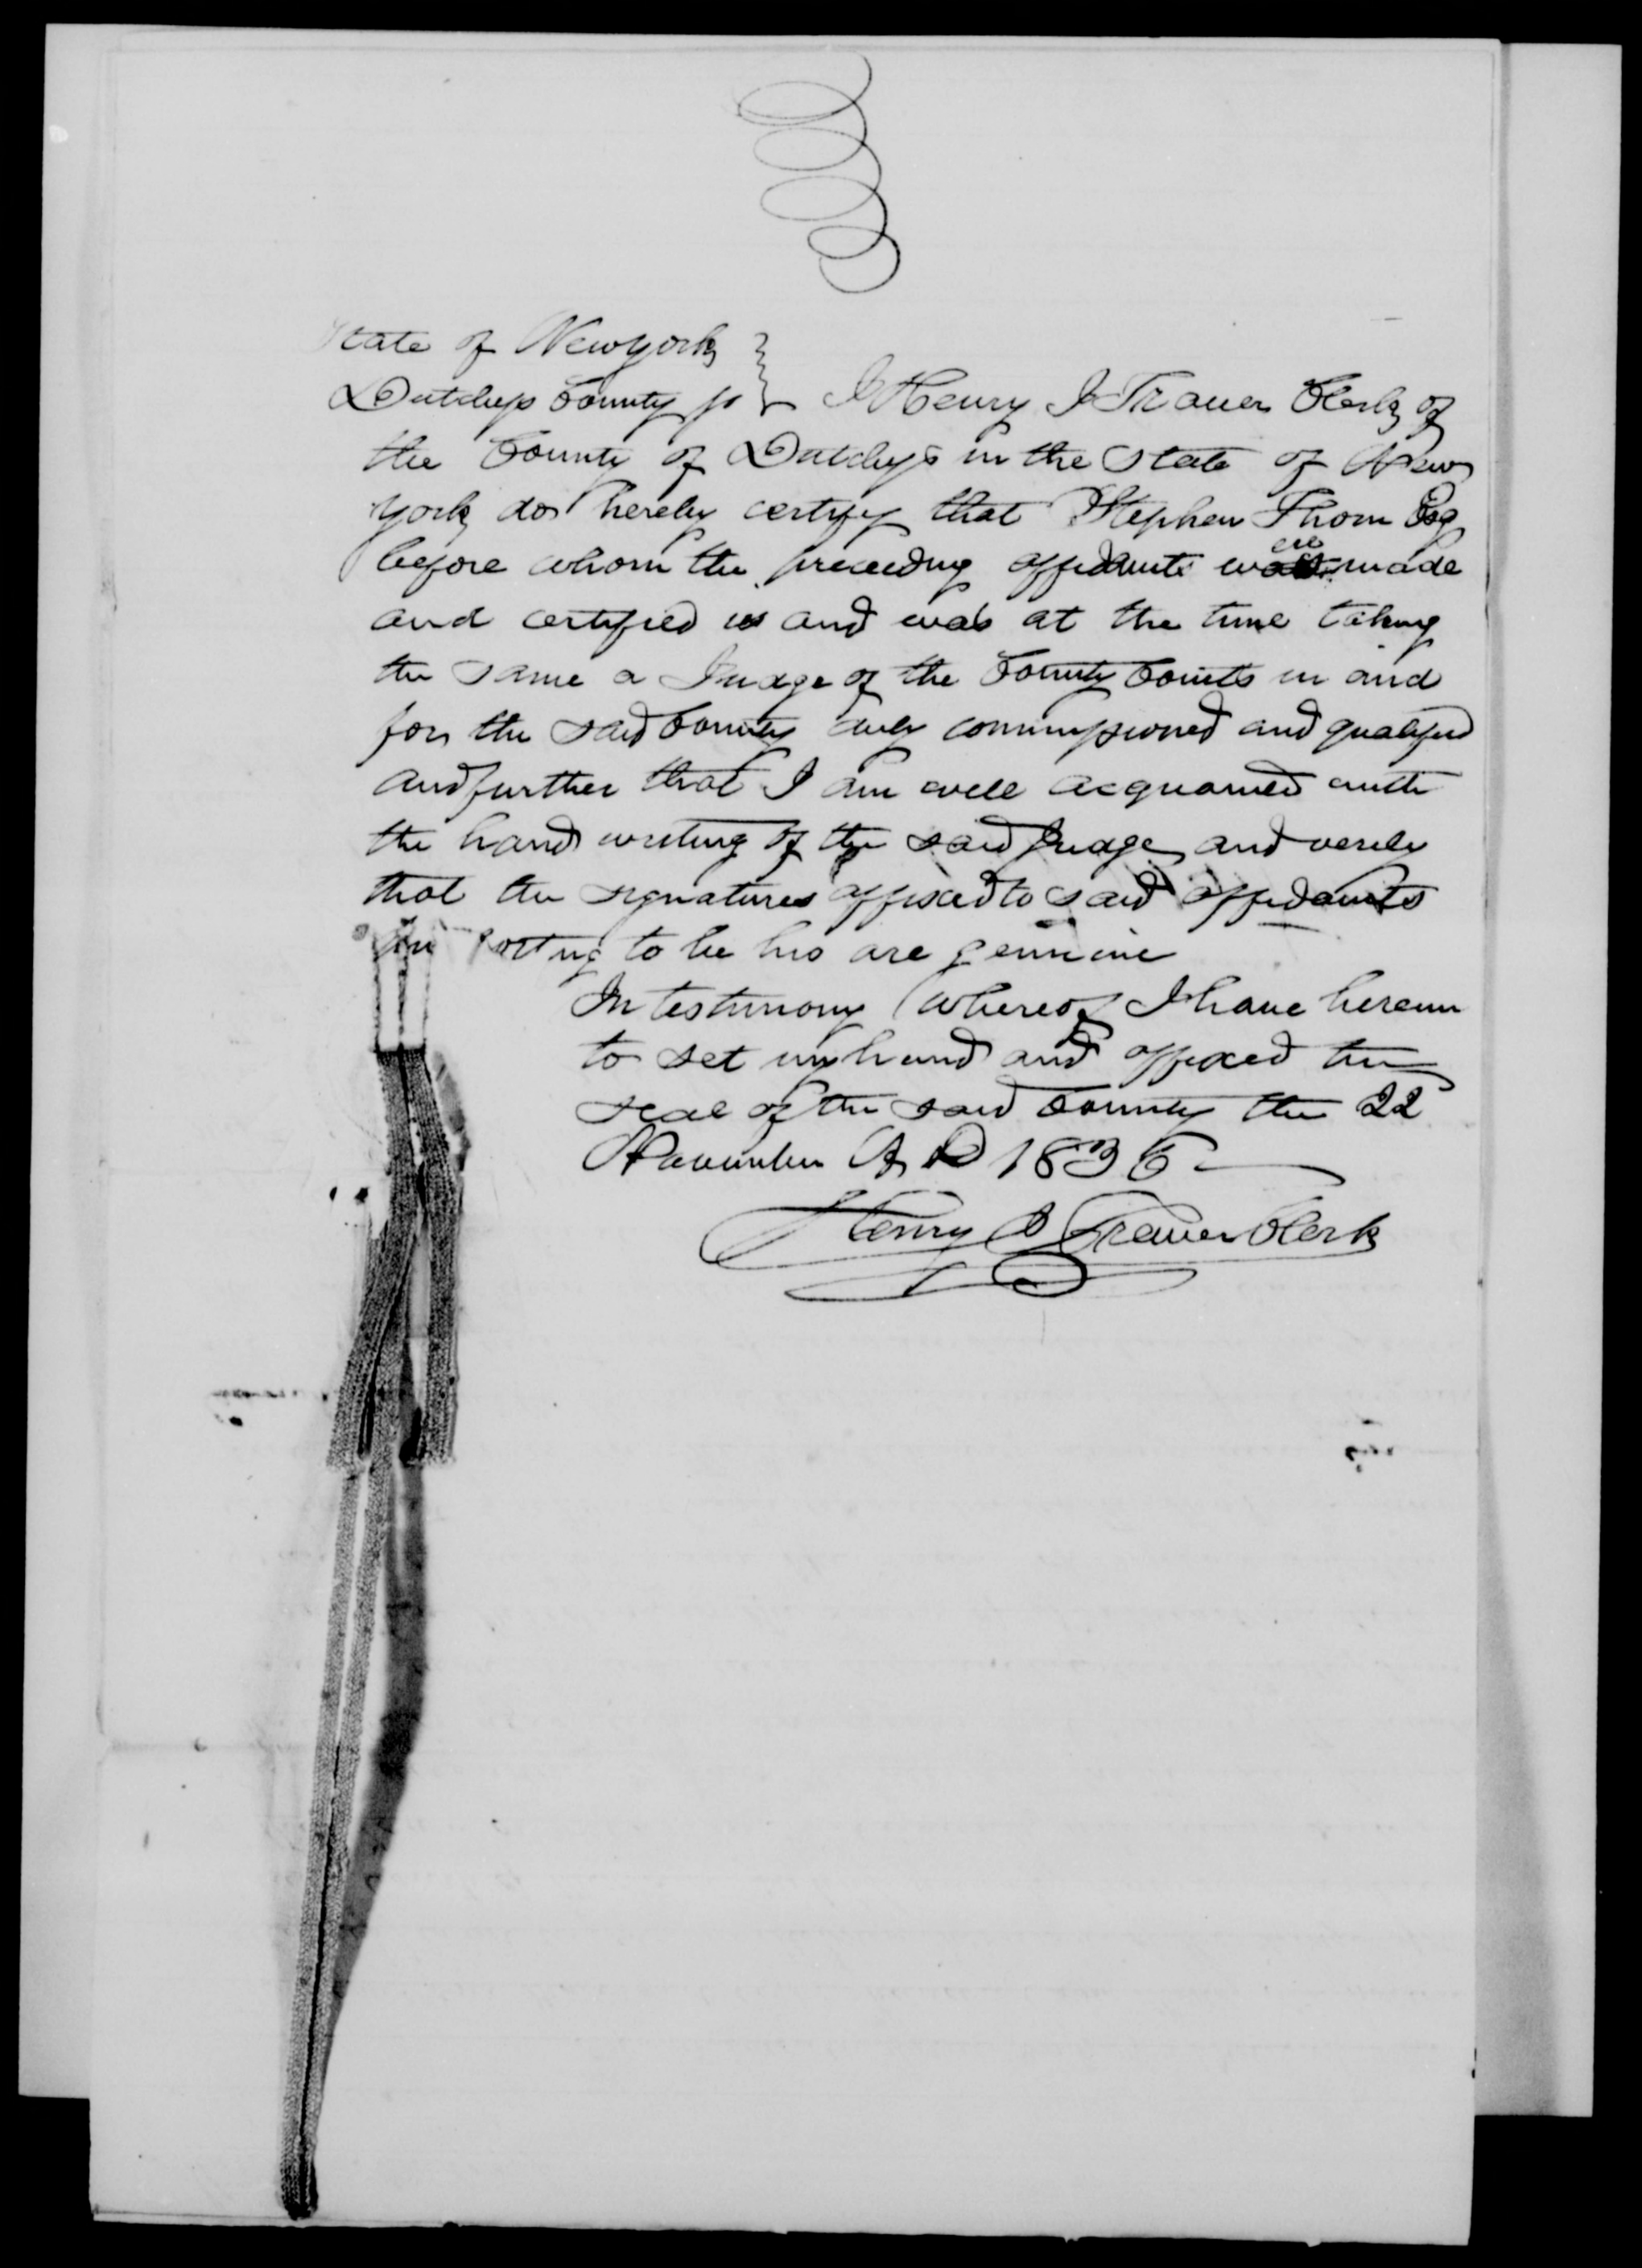State of New York, Dutchess County ss
I Henry J. Traner Clerk of the County of Dutchess in the state of New York do hereby certify that Stephen Thorn Esq. before whom the preceeding affidavits were made and certified is and was at the time taking the same a Judge of the County Courts in and for the said County duly commissioned and qualified and further that I am well acquainted with the hand writing of the said Judge and verily that the signatures affixed to said affidavits purporting to be his are genuine.
In testimony whereof I have herein to set my hand and affixed the seal of the said County the 22 November A D 1836.
Henry J. Traner Clerk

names: Stephen Thorn; Henry J Traner; Henry J Traner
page: 26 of 29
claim: widow's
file: W. 19,032, for Ensley Simmons, New York